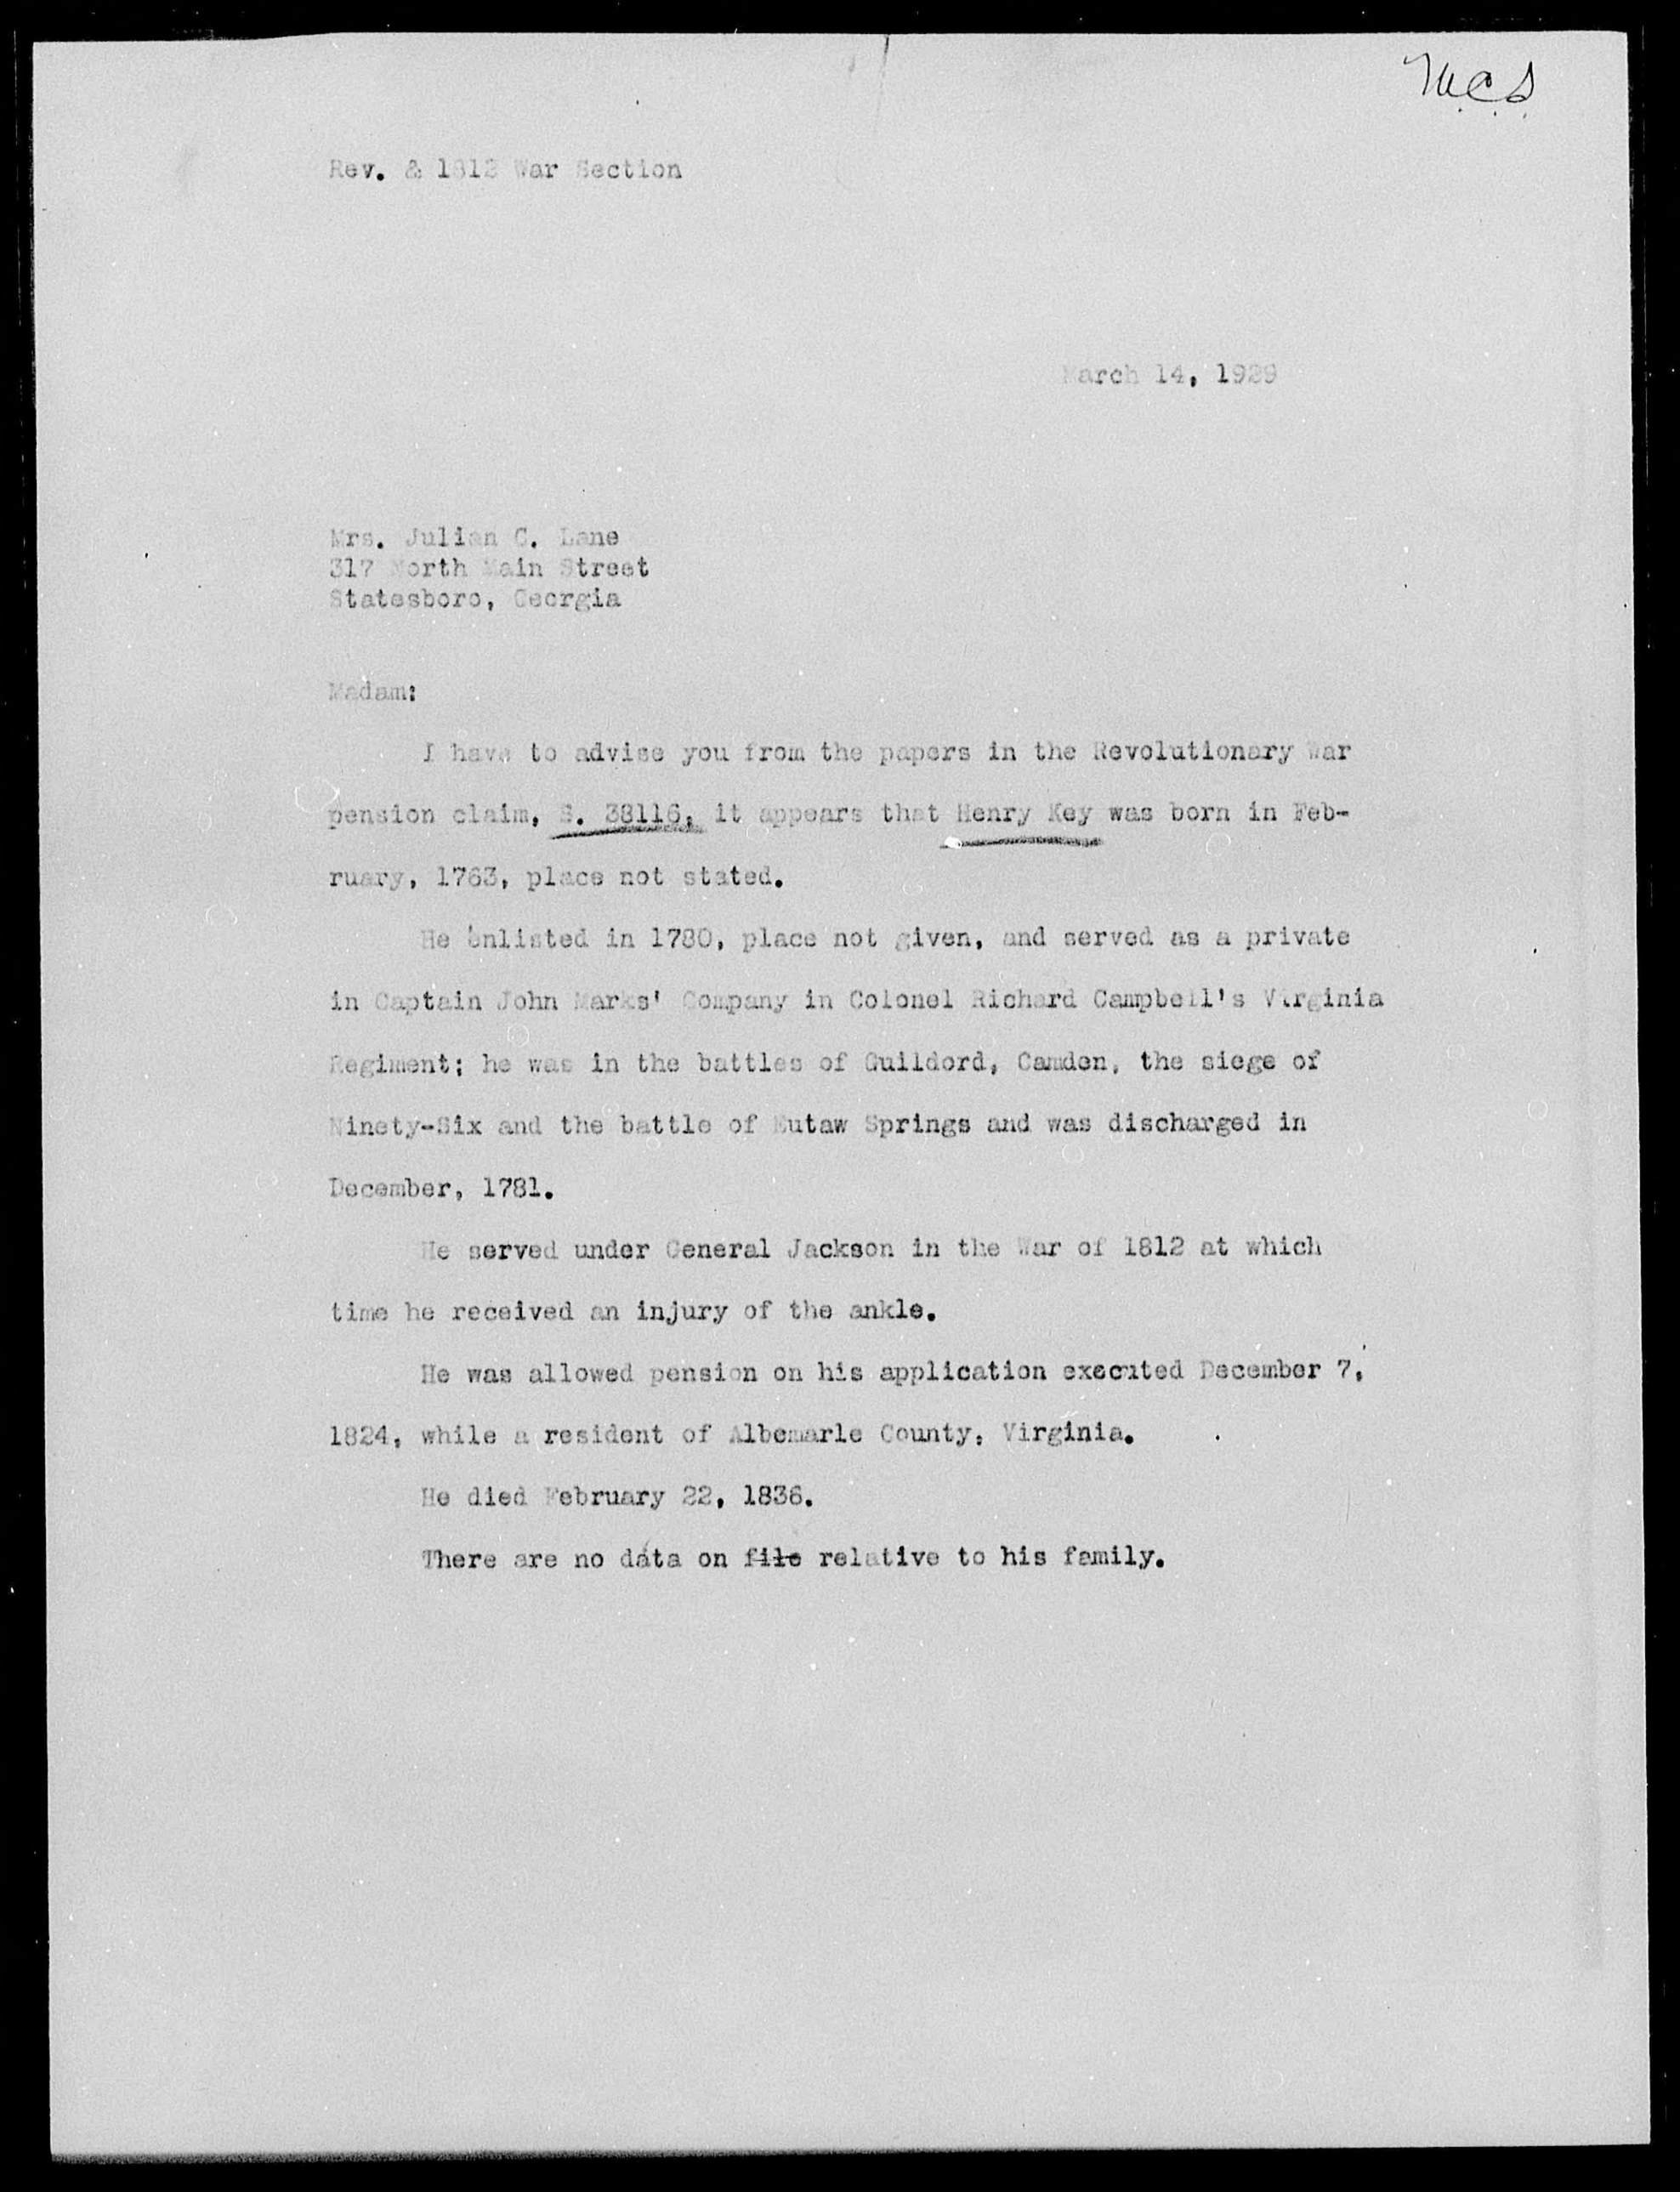Page 8

Rev. & 1812 War Section

Mrs. Julian C. Lane
317 North Main Street
Statesboro, Georgia

March 14, 1929

Madam:

I have to advise you from the papers in the Revolutionary War pension claim, S. 38116, it appears that Henry Key was born in February, 1763, place not stated.

He enlisted in 1780, place not given, and served as a private in Captain John Marks' Company in Colonel Richard Campbell's Virginia Regiment; he was in the battles of Guildord [misspelled], Camden, the siege of
Ninety-Six and the battle of Eutaw Springs and was discharged in December, 1781.

He served under General Jackson in the War of 1812 at which time he received an injury of the ankle.

He was allowed pension on his application executed December 7, 1824, while a resident of Albemarle County, Virginia.

He died February 22, 1836.

There are no data on file relative to his family.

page: 8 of 25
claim: survivor's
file: S 38116, for Henry Key, Virginia